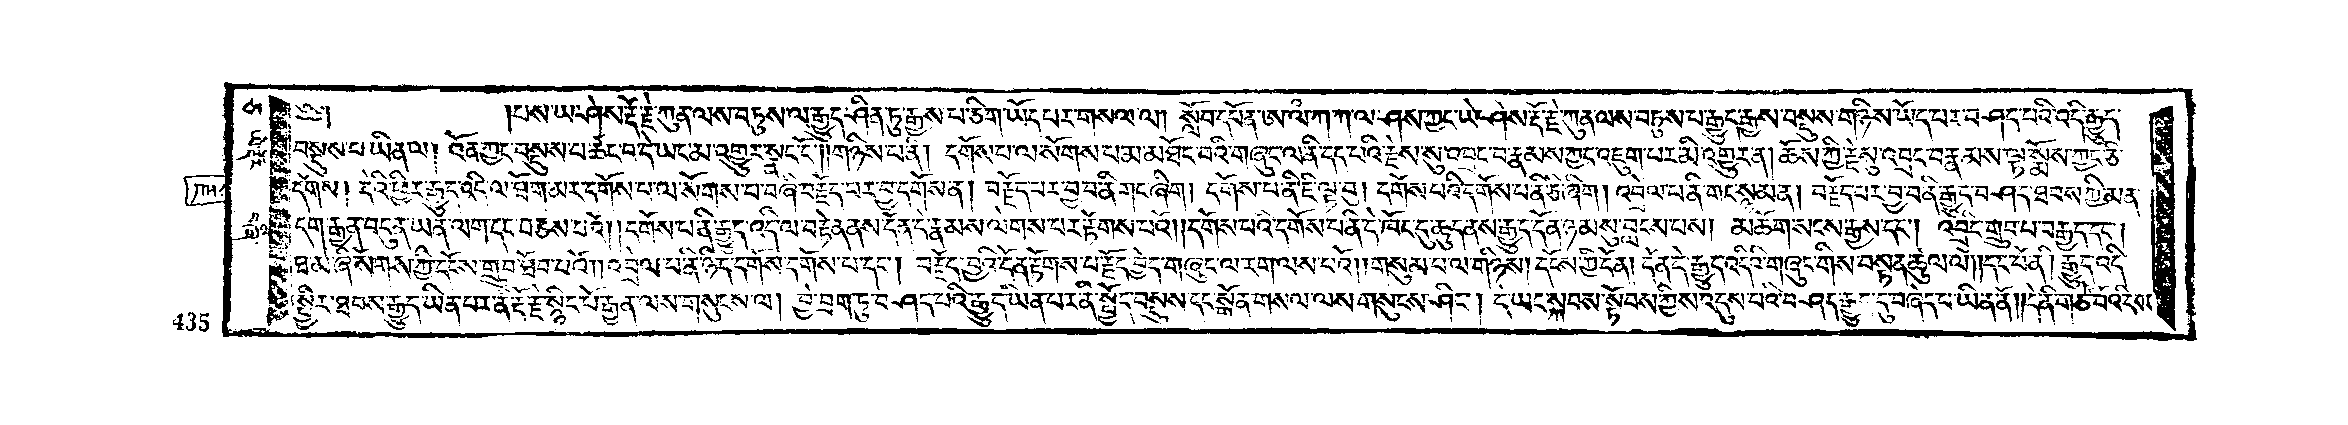༄༅། །པས་ཡེ་ཤེས་རྡོ་རྗེ་ཀུན་ལས་བཏུས་ལ་རྒྱུད་ཤིན་ཏུ་རྒྱས་པ་ཅིག་ཡོད་པར་གསལ་ལ། སློབ་དཔོན་ཨ་ལཾ་ཀ་ཀ་ལ་ཤས་ཀྱང་ཡེ་ཤེས་རྡོ་རྗེ་ཀུན་ལས་བཏུས་པ་རྒྱུད་རྒྱས་བསྡུས་གཉིས་ཡོད་པར་བཤད་པའི་འདི་རྒྱུད་
བསྡུས་པ་ཡིན་ལ། འོན་ཀྱང་བསྡུས་པ་ཚང་བ་དེ་ཡང་མ་འགྱུར་སྣང་ངོ། །གཉིས་པ་ནི། དགོས་པ་ལ་སོགས་པ་མ་མཐོང་བའི་གཞུང་ལ་ནི་དད་པའི་རྗེས་སུ་འབྲང་བ་རྣམས་ཀྱང་འཇུག་པར་མི་འགྱུར་ན། ཆོས་ཀྱི་རྗེས་སུ་འབྲང་བ་རྣམས་ལྟ་སྨོས་ཀྱང་ཅི་
དགོས། དེའི་ཕྱིར་རྒྱུད་འདི་ལ་ཐོག་མར་དགོས་པ་ལ་སོགས་པ་བཞི་བརྗོད་པར་བྱ་དགོས་ན། བརྗོད་པར་བྱ་བ་ནི་གང་ཞིག །དགོས་པ་ནི་ཇི་ལྟ་བུ། དགོས་པའི་དགོས་པ་ནི་ཅི་ཞིག །འབྲེལ་པ་ནི་གང་སྙམ་ན། བརྗོད་པར་བྱ་བ་ནི་རྒྱུད་བཤད་ཐབས་ཀྱི་མན་
ངག་རྒྱན་བདུན་ཡན་ལག་དང་བཅས་པའོ། །དགོས་པ་ནི་རྒྱུད་འདི་ལ་བརྟེན་ནས་དོན་དེ་རྣམས་ལེགས་པར་རྟོགས་པའོ། །དགོས་པའི་དགོས་པ་ནི་དེ་ཁོང་དུ་ཆུད་ནས་རྒྱུད་དོན་ཉམས་སུ་བླངས་པས། མཆོག་སངས་རྒྱས་དང་། འབྲིང་གྲུབ་པ་བརྒྱད་དང་།
ཐ་མ་ཞི་སོགས་ཀྱི་དངོས་གྲུབ་ཐོབ་པའོ། །འབྲེལ་པ་ནི་ཉིད་དགོས་དགོས་པ་དང་། བརྗོད་བྱའི་དོན་རྟོགས་པ་རྗོད་བྱེད་གཞུང་ལ་རག་ལས་པའོ། །གསུམ་པ་ལ་གཉིས། དངོས་ཀྱི་དོན། དོན་དེ་རྒྱུད་འདིའི་གཞུང་གིས་བསྟན་ཚུལ་ལོ། །དང་པོ་ནི། རྒྱུད་འདི་
སྤྱིར་ཐབས་རྒྱུད་ཡིན་པར་ནི་རྡོ་རྗེ་སྙིང་པོ་རྒྱན་ལས་གསུངས་ལ། བྱེ་བྲག་ཏུ་བཤད་པའི་རྒྱུད་ཡིན་པར་ནི་སྤྱོད་བསྡུས་དང་སྒོན་གསལ་ལས་གསུངས་ཤིང་། དེ་ཡང་སྐབས་སྟོབས་ཀྱིས་འདུས་པའི་བཤད་རྒྱུད་དུ་བཞེད་པ་ཡིན་ནོ། །དེ་ནི་གཙོ་བོའི་དབང་